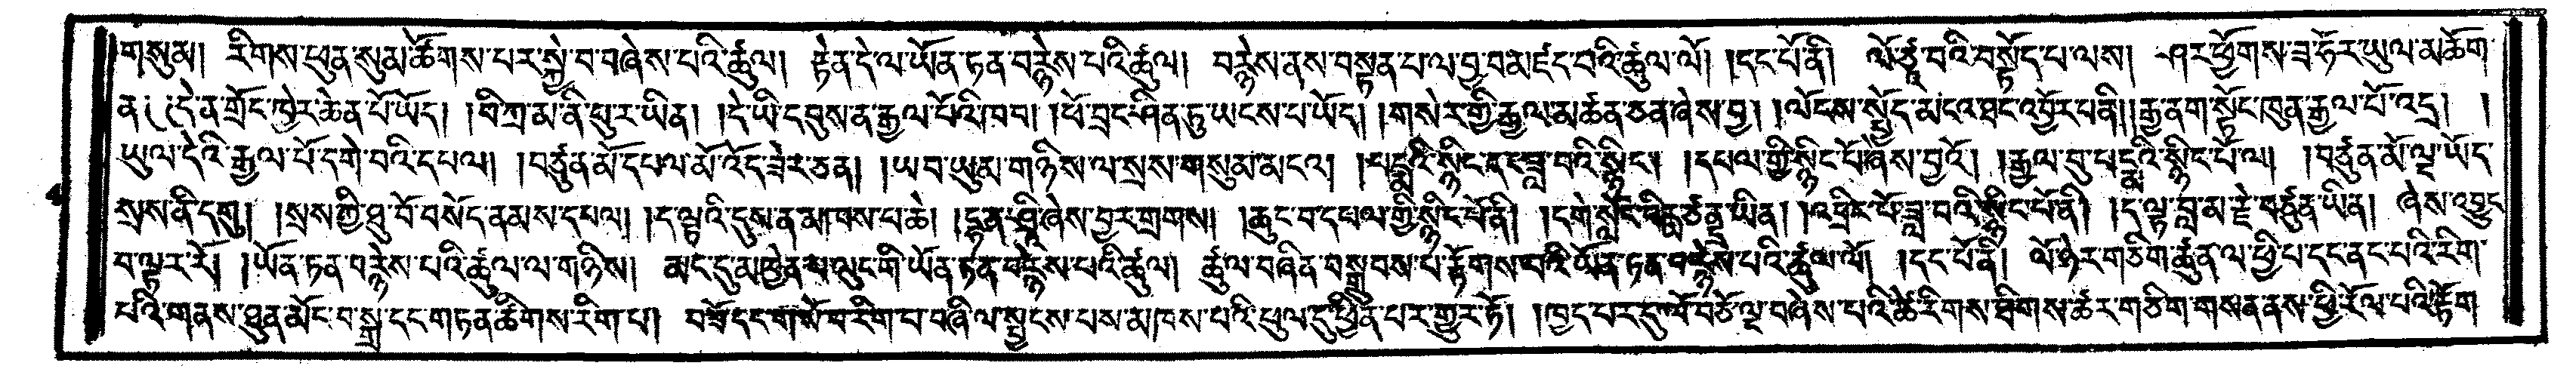གསུམ། རིགས་ཕུན་སུམ་ཚོགས་པར་སྐྱེ་བ་བཞེས་པའི་ཚུལ། རྟེན་དེ་ལ་ཡོན་ཏན་བརྙེས་པའི་ཚུལ། བརྙེས་ནས་བསྟན་པ་ལ་བྱ་བ་མཛད་བའི་ཚུལ་ལོ། །དང་པོ་ནི། ལོ་ཙཱ་བའི་བསྟོད་པ་ལས། ཤར་ཕྱོགས་ཟ་ཧོར་ཡུལ་མཆོག་
ན༑ ༑དེ་ན་གྲོང་ཁྱེར་ཆེན་པོ་ཡོད། །བི་ཀྲ་མ་ནི་པུ་ར་ཡིན། །དེ་ཡི་དབུས་ན་རྒྱལ་པོའི་ཁབ། །ཕོ་བྲང་ཤིན་ཏུ་ཡངས་པ་ཡོད། །གསེར་གྱི་རྒྱལ་མཚན་ཅན་ཞེས་བྱ། །ལོངས་སྤྱོད་མངའ་ཐང་འབྱོར་པ་ནི། །རྒྱ་ནག་སྟོང་ཁུན་རྒྱལ་པོ་འདྲ། །
ཡུལ་དེའི་རྒྱལ་པོ་དགེ་བའི་དཔལ། །བཙུན་མོ་དཔལ་མོ་འོད་ཟེར་ཅན། །ཡབ་ཡུམ་གཉིས་ལ་སྲས་གསུམ་མངའ། །པདམའི་སྙིང་དང་ཟླ་བའི་སྙིང་། །དཔལ་གྱི་སྙིང་པོ་ཞེས་བྱའོ། །རྒྱལ་བུ་པདམའི་སྙིང་པོ་ལ། །བཙུན་མོ་ལྔ་ཡོད་
སྲས་ནི་དགུ། །སྲས་ཀྱི་ཐུ་བོ་བསོད་ནམ་དཔལ། །ད་ལྟའི་དུས་ན་མཁས་པ་ཆེ། །དྷན་ཤྲཱི་ཞེས་བྱ་ར་གྲགས། །ཆུང་བ་དཔལ་གྱི་སྙིང་པོ་ནི། །དགེ་སློང་བིརྱ་ཙནྡྲ་ཡིན། །འཕྲིང་པོ་ཟླ་བའི་སྙིང་པོ་ནི། །ད་ལྟ་བླ་མ་རྗེ་བཙུན་ཡིན། ཞེས་འབྱུང་
བ་ལྟར་རོ། །ཡོན་ཏན་བརྙེས་པའི་ཚུལ་ལ་གཉིས། མང་དུ་མཁྱེན་པ་ལུང་གི་ཡོན་ཏན་བརྙེས་པའི་ཚུལ། ཚུལ་བཞིན་བསྒྲུབས་པ་རྟོགས་པའི་ཡོན་ཏན་བརྙེས་པའི་ཚུལ་ལོ། །དང་པོ་ནི། ལོ་ཉེར་གཅིག་ཚུན་ལ་ཕྱི་པ་དང་ནང་པའི་རིག་
པའི་གནས་ཐུན་མོང་བ་སྐྲ་དང་གཏན་ཚིགས་རིག་པ། བཟོ་དང་གསོ་བ་རིག་པ་བཞི་ལ་སྦྱངས་པས་མཁས་པའི་ཕུལ་དུ་ཕྱིན་པར་གྱུར་ཏོ། །ཁྱད་པར་དུ་ལོ་བཅོ་ལྔ་བཞེས་པའི་ཚེ་རིགས་ཐིགས་ཚར་གཅིག་གསན་ནས་ཕྱི་རོལ་པའི་རྟོག་